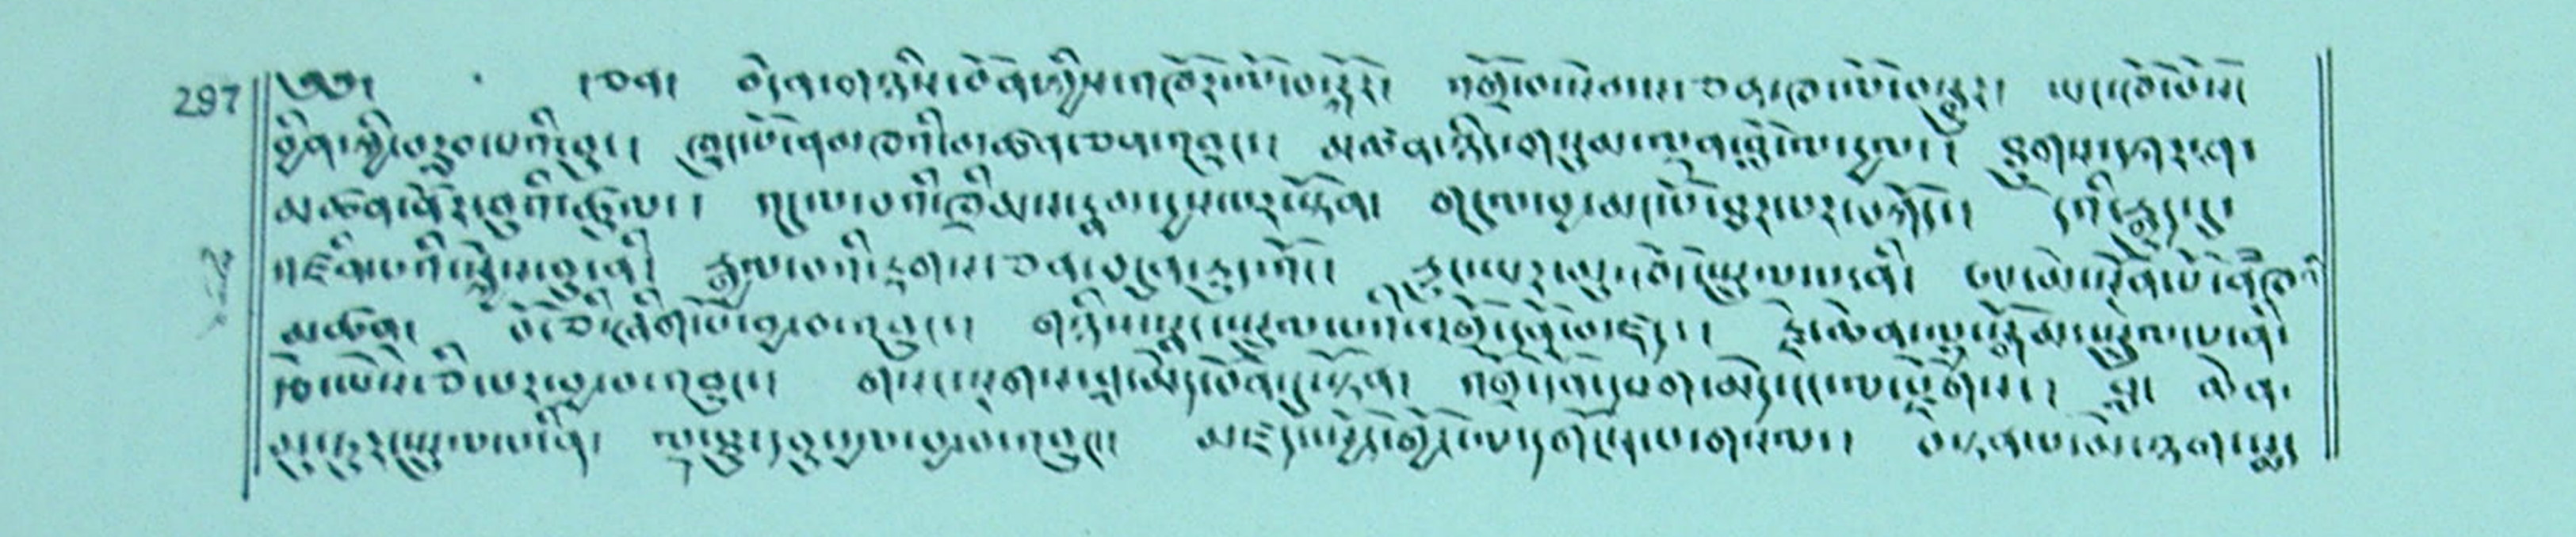༄༅། །ཅན། བདེན་གཉིས་བོན་གྱི་འཁོར་ལོ་བསྐོར། འགྲོ་བའི་སེམས་ཅན་ཁ་ལོ་བསྒྱུར། ཡང་ཁོ་བོས་བྱིན་
གྱིས་རླབས་པའི་བུ། ཁྱུང་བོ་ནམ་མཁའི་མཚན་ཅན་འབྱུང་། མཚན་ཉིད་གསུམ་ལྡན་བློ་ལ་རྒྱལ། ཐུགས་དཀར་ཤ་
མཚན་ནོར་བུའི་ཚུལ། འདུལ་བའི་ཁྲིམས་རྣམས་རྒྱས་པར་སྟོན། གདུལ་བྱ་མང་པོ་ཐར་བར་བཀོད། དེའི་རྒྱུད་དུ་
འཛིན་པའི་སྐྱེས་བུ་ནི། རྒྱལ་བའི་རྟགས་ཅན་བདུན་རྒྱུད་འབྱུང་། རྒྱུང་ཡར་མུ་ཁོད་སྤྲུལ་པ་ནི། ཨ་མེ་སྔོན་པོ་ནམ་མཁའི་
མཚན། བོ་ཅི་ཞིག་པོ་བྱ་བ་འབྱུང་། གཉིས་སྣང་སྤྲུལ་པའི་འགྲོ་དོན་མཛད། རྗེ་ཆེན་ལྷ་སྒོམ་སྤྲུལ་པ་ལས།
 རྩེ་ཡེ་ཤེས་ཅི་པར་བྱ་བ་འབྱུང་། གསང་སྔགས་བླ་མེད་བོན་དུ་སྟོན། འགྲོ་དོན་དཔག་མེད་ངང་ལ་རྫོགས། བླ་ཆེན་
མུ་ཏུར་སྤྲུལ་པ་ནི། ལྷ་ཐུ་དབུ་རྒྱལ་བྱ་བ་འབྱུང་། མཛད་སྤྱོད་གྱོང་ལ་དགོངས་པ་གསལ། བསྟན་པ་མེ་ཉག་སྨད་